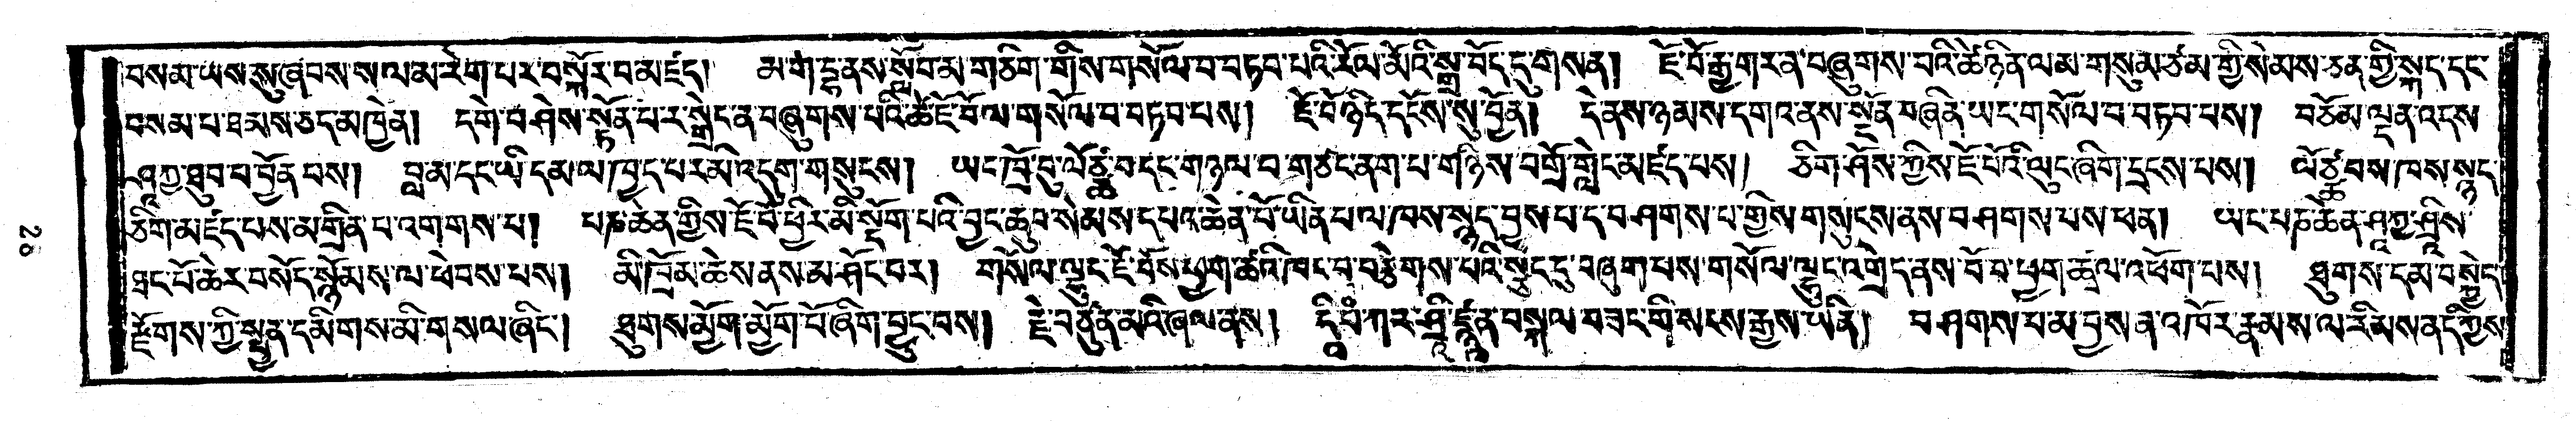བསམ་ཡས་སུ་ཞབས་སལ་མ་རེག་པར་བསྐོར་བ་མཛད། མ་ག་དྷ་ནས་སློབ་མ་གཅིག་གིས་གསོལ་བ་བཏབ་པའི་རོལ་མོའི་སྒྲ་བོད་དུ་གསན། ཇོ་བོ་རྒྱ་གར་ན་བཞུགས་པའི་ཚེ་ཉིན་ལམ་གསུམ་ཙམ་གྱི་སེམས་ཅན་གྱི་སྐད་དང་
བསམ་པ་ཐམས་ཅད་མཁྱེན། དགེ་བཤེས་སྟོན་པར་སྒྲེང་ན་བཞུགས་པའི་ཚེ་ཇོ་བོ་ལ་གསོལ་བ་བཏབ་པས། ཇོ་བོ་ཉིད་དངོས་སུ་བྱོན། དེ་ནས་ཉམས་དགའ་ནས་སྔོན་བཞིན་ཡང་གསོལ་བ་བཏབ་པས། བཅོམ་ལྡན་འདས་
ཤཱཀྱ་ཐུབ་པ་བྱོན་པས། བླ་མ་དང་ཡི་དམ་ལ་ཁྱད་པར་མི་འདུག་གསུངས། ཡང་ཁྲོ་བུ་ལོཙྪ་བ་དང་གཉལ་བ་གཙང་ནག་པ་གཉིས་བགྲོ་གླེང་མཛད་པས། ཅིག་ཤོས་ཀྱིས་ཇོ་བོའི་ལུང་ཞིག་དྲངས་པས། ལོཙྪ་བས་ཁས་སྙད་
ཅིག་མཛད་པས་མགྲིན་པ་འགགས་པ། པཎ་ཆེན་གྱིས་ཇོ་བོ་ཕྱིར་མི་སྡོག་པའི་བྱང་ཆུབ་སེམས་དཔའ་ཆེན་པོ་ཡིན་པ་ལ་ཁས་སྙད་བྱས་པ་དེ་བཤགས་པ་གྱིས་གསུངས་ནས་བཤགས་པས་ཕན། ཡང་པཎ་ཆེན་ཤཱཀྱ་ཤྲཱིས་
ཐང་པོ་ཆེར་བསོད་སྙོམས་ལ་ཕེབས་པས། མི་ཁྲོམ་ཆེས་ནས་མ་ཤོང་བར། གསོལ་ལྷུང་ཇོ་བོས་ཕྱག་ཚའི་ཁང་བ་བརྩེགས་པའི་སྩང་དུ་བཞུག་པས་གསོལ་ལྷུང་འགྲེད་ནས་བོ་བ་ཕྱག་ཚལ་འཕོག་པས། ཐུགས་དམ་བསྐྱེད་
རྫོགས་ཀྱི་སྤྱན་དམིགས་མི་གསལ་ཞིང་། ཐུགས་མྱོག་མྱོག་པོ་ཞིག་བྱུང་བས། རྗེ་བཙུན་མའི་ཞལ་ནས། དཱི་པཾ་ཀ་ར་ཤྲཱི་ཛྙཱ་ན་བསྐལ་བཟང་གི་སངས་རྒྱས་ཡིན། བཤགས་པ་མ་བྱས་ན་འཁོར་རྣམས་ལ་རིམས་ནད་ཀྱིས་